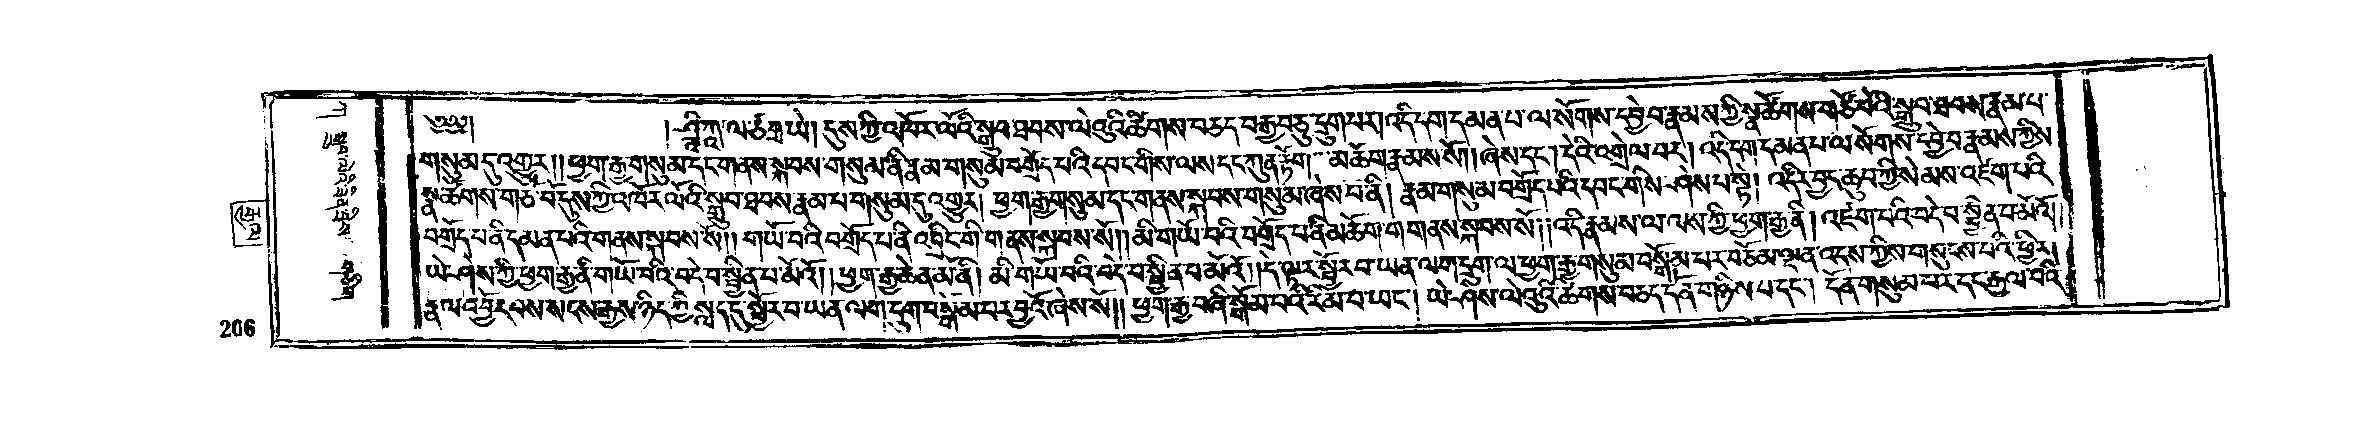༄༅༅། །ཤྲཱི་ཀཱ་ལ་ཙྐྲ་ཡེ། དུས་ཀྱི་འཁོར་ལོའི་སྒྲུབ་ཐབས་ལེའུའི་ཚིགས་བཅད་བརྒྱ་བཅུ་དྲུག་པར། འདི་དག་དམན་པ་ལ་སོགས་དབྱེ་བ་རྣམས་ཀྱི་སྣ་ཚོགས་གཙོ་བོའི་སྒྲུབ་ཐབས་རྣམ་པ་
གསུམ་དུ་འགྱུར། །ཕྱག་རྒྱ་གསུམ་དང་གནས་སྐབས་གསུམ་ནི་རྣམ་གསུམ་བགྲོད་པའི་དབང་གིས་ལས་དང་ཀུན་རྟོག་མཆོག་རྣམས་སོ། །ཞེས་དང་། དེའི་འགྲེལ་པར། འདི་དག་དམན་པ་ལ་སོགས་དབྱེ་བ་རྣམས་ཀྱིས་
སྣ་ཚོགས་གཙོ་བོ་དུས་ཀྱི་འཁོར་ལོའི་སྒྲུབ་ཐབས་རྣམ་པ་གསུམ་དུ་འགྱུར། ཕྱག་རྒྱ་གསུམ་དང་གནས་སྐབས་གསུམ་ཞེས་པ་ནི། རྣམ་གསུམ་བགྲོད་པའི་དབང་གིས་ཤེས་པ་སྟེ། འདིར་བྱང་ཆུབ་ཀྱི་སེམས་འཛག་པའི་
བགྲོད་པ་ནི་དམན་པའི་གནས་སྐབས་སོ། །གཡོ་བའི་བགྲོད་པ་ནི་འབྲིང་གི་གནས་སྐབས་སོ། །མི་གཡོ་བའི་བགྲོད་པ་ནི་མཆོག་ག་གནས་སྐབས་སོ། །འདི་རྣམས་ལ་ལས་ཀྱི་ཕྱག་རྒྱ་ནི། འཛག་པའི་བདེ་བ་སྦྱིན་པ་མོའོ། །
ཡེ་ཤེས་ཀྱི་ཕྱག་རྒྱ་ནི་གཡོ་བའི་བདེ་བ་སྦྱིན་པ་མོའོ། །ཕྱག་རྒྱ་ཆེན་མོ་ནི། མི་གཡོ་བའི་བདེ་བ་སྦྱིན་པ་མོའོ། །དེ་ལྟར་སྦྱོར་བ་ཡན་ལག་དྲུག་ལ་ཕྱག་རྒྱ་གསུམ་བསྒོམ་པར་བཅོམ་ལྡན་འདས་ཀྱིས་གསུངས་པའི་ཕྱིར།
རྣལ་འབྱོར་པས་སངས་རྒྱས་ཉིད་ཀྱི་སླད་དུ་སྦྱོར་བ་ཡན་ལག་དྲུག་བསྒོམ་པར་བྱའོ་ཞེས་སོ། །ཕྱག་རྒྱ་བཞི་སྒོམ་པའི་རིམ་པ་ཡང་། ཡེ་ཤེས་ལེའུའི་ཚིགས་བཅད་དོན་གཉིས་པ་དང་། དོན་གསུམ་པར་དང་རྒྱལ་བའི་